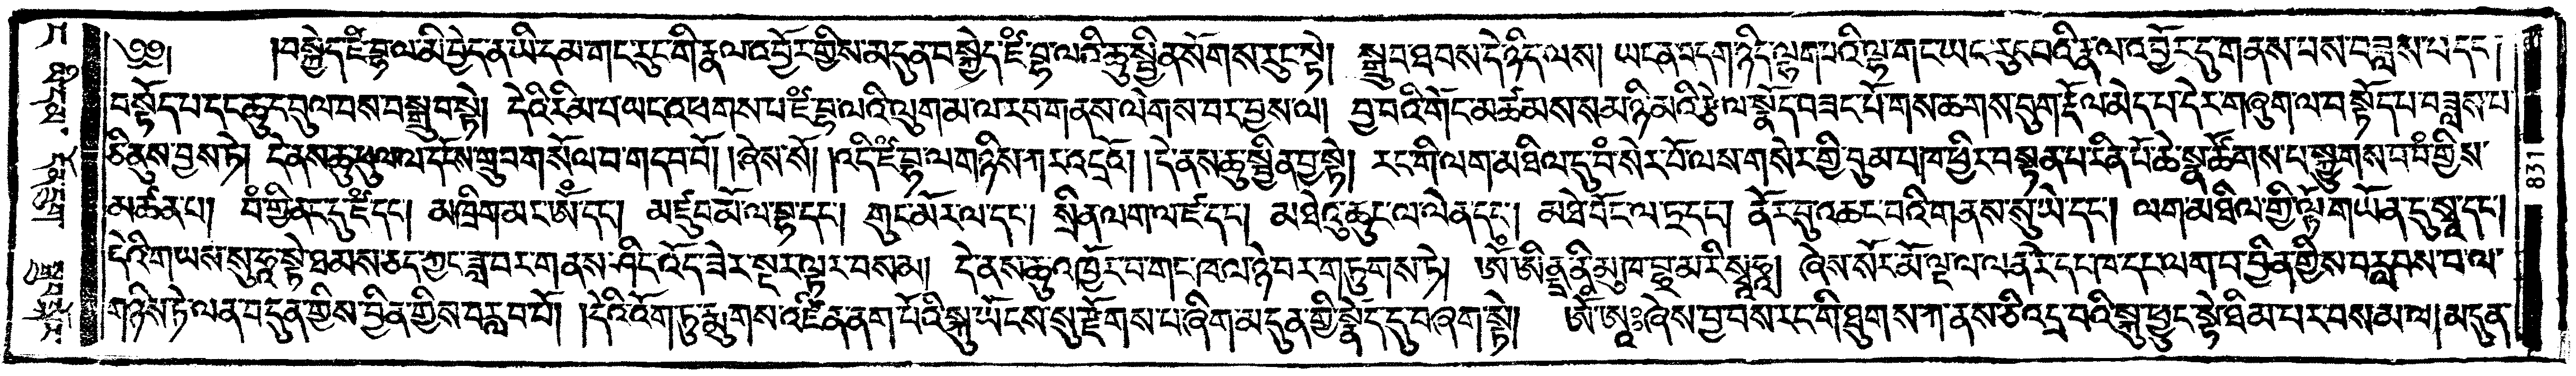༄༅། །བསྐྱེད་ཇི་བྷ་ལ་མི་བྱེད་ན་ཡི་དམ་གང་རུང་གི་རྣལ་འབྱོར་གྱིས་མདུན་བསྐྱེད་ཛཾ་བྷ་ལའི་ཆུ་སྦྱིན་སོགས་རུང་སྟེ། སྒྲུབ་ཐབས་དེ་ཉིད་ལས། ཡང་ན་བདག་ཉིད་ལྷག་པའི་ལྷ་གང་ཡང་རུང་པའི་རྣལ་འབྱོར་དུ་གནས་པས་བཟླས་པ་དང་།
བསྟོད་པ་དང་ཆུང་བུལ་བས་བསྒྲུབ་སྟེ། དེའི་རིམ་པ་ཡང་འཕགས་པ་ཛཾ་བྷ་ལའི་ལུག་མ་ལ་རབ་གནས་ལེགས་བར་བྱས་ལ། བྱ་བའི་གོང་མཚམས་སམ་ཉི་མའི་རྩེ་ལ་སྣོད་བཟང་པོ་གས་ཆགས་བུག་རྡོལ་མེད་པ་དེར་གཞུག་ལ་བསྟོད་པ་བཟླས་པ་
ཅི་ནུས་བྱས་ཏེ། དེ་ནས་ཆུ་ཕུལ་ལ་དངོས་གྲུབ་གསོལ་པ་གདབ་བོ། །ཞེས་སོ། །འདི་ཛཾ་བྷ་ལ་གཉིས་ཀར་འདྲའོ། །དེ་ནས་ཆུ་སྦྱིན་བྱ་སྟེ། རང་གི་ལག་མཐིལ་དུ་བཾ་སེར་པོ་ལས་གསེར་གྱི་བུམ་པ་ཁ་ཕྱིར་བསྟན་པ་རིན་པོ་ཆེ་སྣ་ཚོགས་པ་སྐྱུགས་པ་པཾ་གྱིས་
མཚན་པ། བཾ་གྱི་ནང་དུ་ཛཾ་དང་། མཁྲིག་མང་ཨོཾ་དང་། མཛུབ་མོ་ལ་བྷ་དང་། གུང་མོར་ལ་དང་། སྲིན་ལག་ལ་ཛ་དང་། མཐེའུ་ཆུང་ལ་ལེན་དང་། མཐེ་བོང་ལ་ཏྲ་དང་། ནོར་བུ་འཆང་བའི་གནས་སུ་ཡེ་དང་། ལག་མཐིལ་གྱི་ལྟོ་གཡོན་དུ་སྭཱ་དང་
དེའི་གཡས་སུ་ཧཱ་སྟེ་ཐམས་ཅད་ཀྱང་ཟླ་བར་གནས་ཤིང་འོད་ཟེར་སྔར་ལྟར་བསམ། དེ་ནས་ཆུ་འཁྱོར་བ་གང་ཁལ་ཉེ་བར་གཏུགས་ཏེ། ཨོཾ་ཨིནྡྲ་ནི་མུ་ཁ་བྷྲ་མ་རི་སྭཱཧཱ། ཞེས་སོར་མོ་ལྔ་ལ་ལན་རེ་དང་ཁ་དང་ལག་པ་བྱིན་གྱིས་བརླབས་པ་ལ་
གཉིས་ཏེ་ལན་བདུན་གྱིས་བྱིན་གྱིས་བརླབ་པོ། །དེའི་འོག་ཏུ་རྨུགས་འཛིན་ནག་པོའི་སྐུ་ཡོངས་སུ་རྫོགས་པ་ཞིག་མདུན་གྱི་སྣོད་དུ་བཞག་སྟེ། ཨོཾ་ཨཱཿ ཞེས་བྱ་བས་རང་གི་ཐུགས་ཀ་ནས་ཅི་འདྲ་བའི་སྐུ་ཕྱུང་སྟེ་ཐིམ་པར་བསམ་ལ། མདུན་